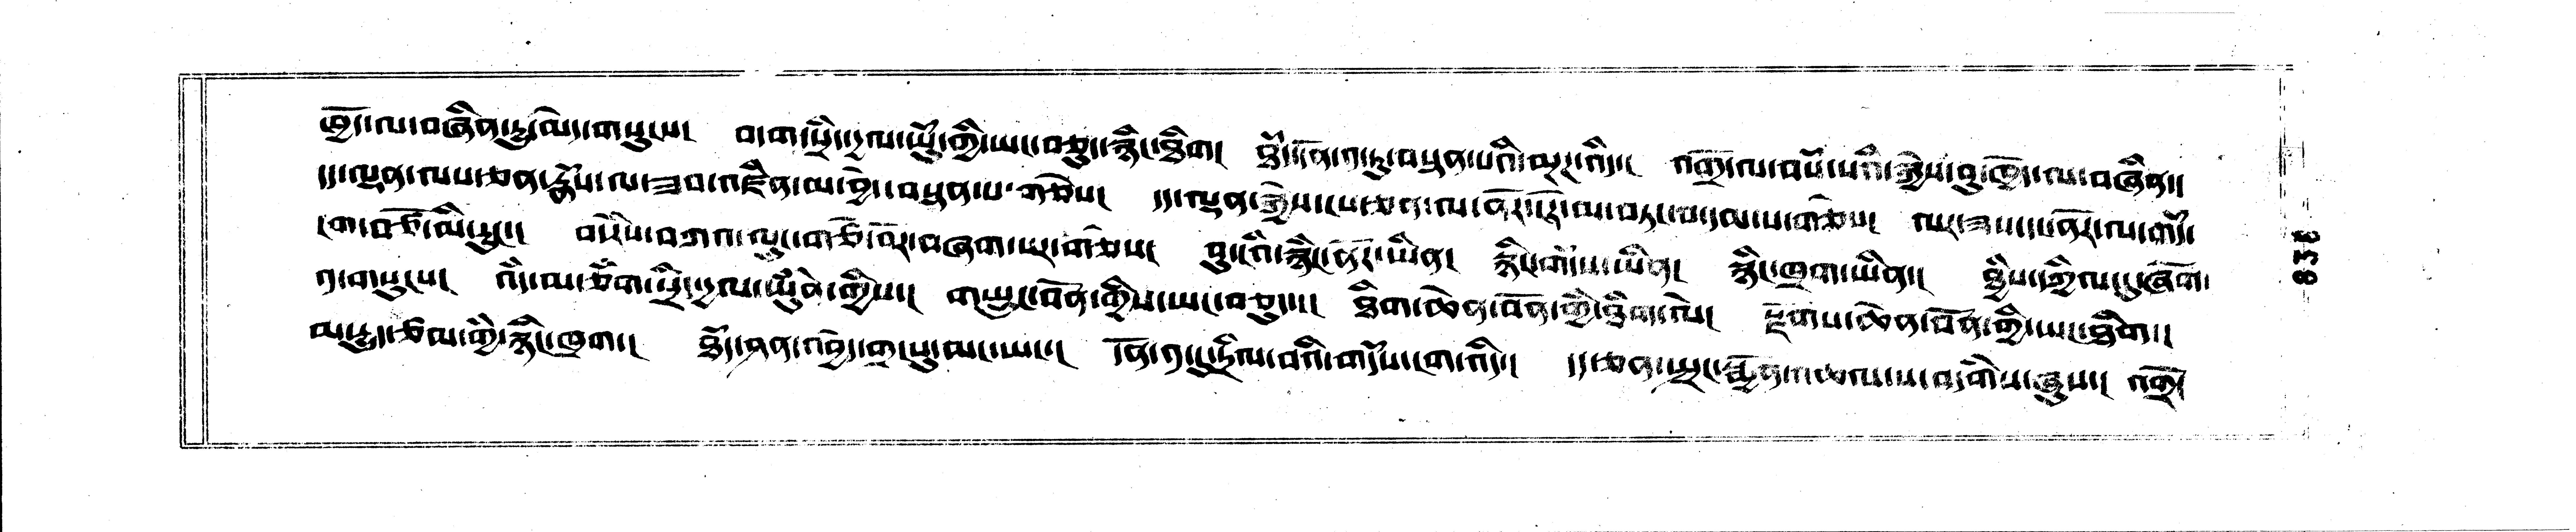ཁྱོད་ལ་བཞིན་རྒྱུ་མེད་གསུངས། བདག་སྲིད་རྒྱལ་ཡུམ་གྱི་ཡང་བཅུད་སྙིང་ཐིག ཐམས་ཅད་དོན་གཅིག་ཏུ་བསྟན་པའི་མན་ངག་འདི། འགྲོ་ལ་བསམ་པའི་སྐྱེས་བུ་ཁྱོད་ལ་བཞིན། 
དད་ལྡན་ལས་ཅན་རྣམས་ལ་ཟབ་འཛིན་མ་བྱེད་བསྟན་པ་གཅེས། དད་ལྡན་སྐྱོ་ངས་ཅན་ལ་ནོར་ངོ་མ་བཏང་བ་དམ་པར་གཅེས། ལར་ཟས་དང་ནོར་ལ་གདམས་
ངག་བཙོང་མི་རུང་། བདེར་གཤེགས་བཀའ་ལུང་གཙོ་བོར་བཞག་པར་གཅེས། བུ་ངའི་སྙིང་ནོར་ཡིན། སྙིང་གདམ་ཡིན། སྙིང་ཁྲག་ཡིན། ཐུགས་ཀྱི་དཀྱིལ་དུ་ཞོག་
ཅིག་གསུངས། འདི་མ་གཅིག་སྲིད་རྒྱལ་ཡུམ་ཆེན་གྱིས། གཡུང་དྲུང་བོན་གྱི་ཡང་བཅུད། ཐེག་ཆེན་བོན་གྱི་ཐིག་ལེ། རྫོགས་ཆེན་བོན་གྱི་ཡང་ཐིག 
མ་རྒྱུད་ཙམ་གྱི་སྙིང་ཁྲག ཐམས་ཅད་ཤན་འབྱེད་གྲངས་སུ་མང་ཡང་། དོན་གཅིག་ཏུ་དྲིལ་བའི་གདམས་ངག་འདི། དད་ཅན་སྤྲང་སྨྱོན་འཆལ་བ་བདག་གིས་ཞུས། འགྲོ་